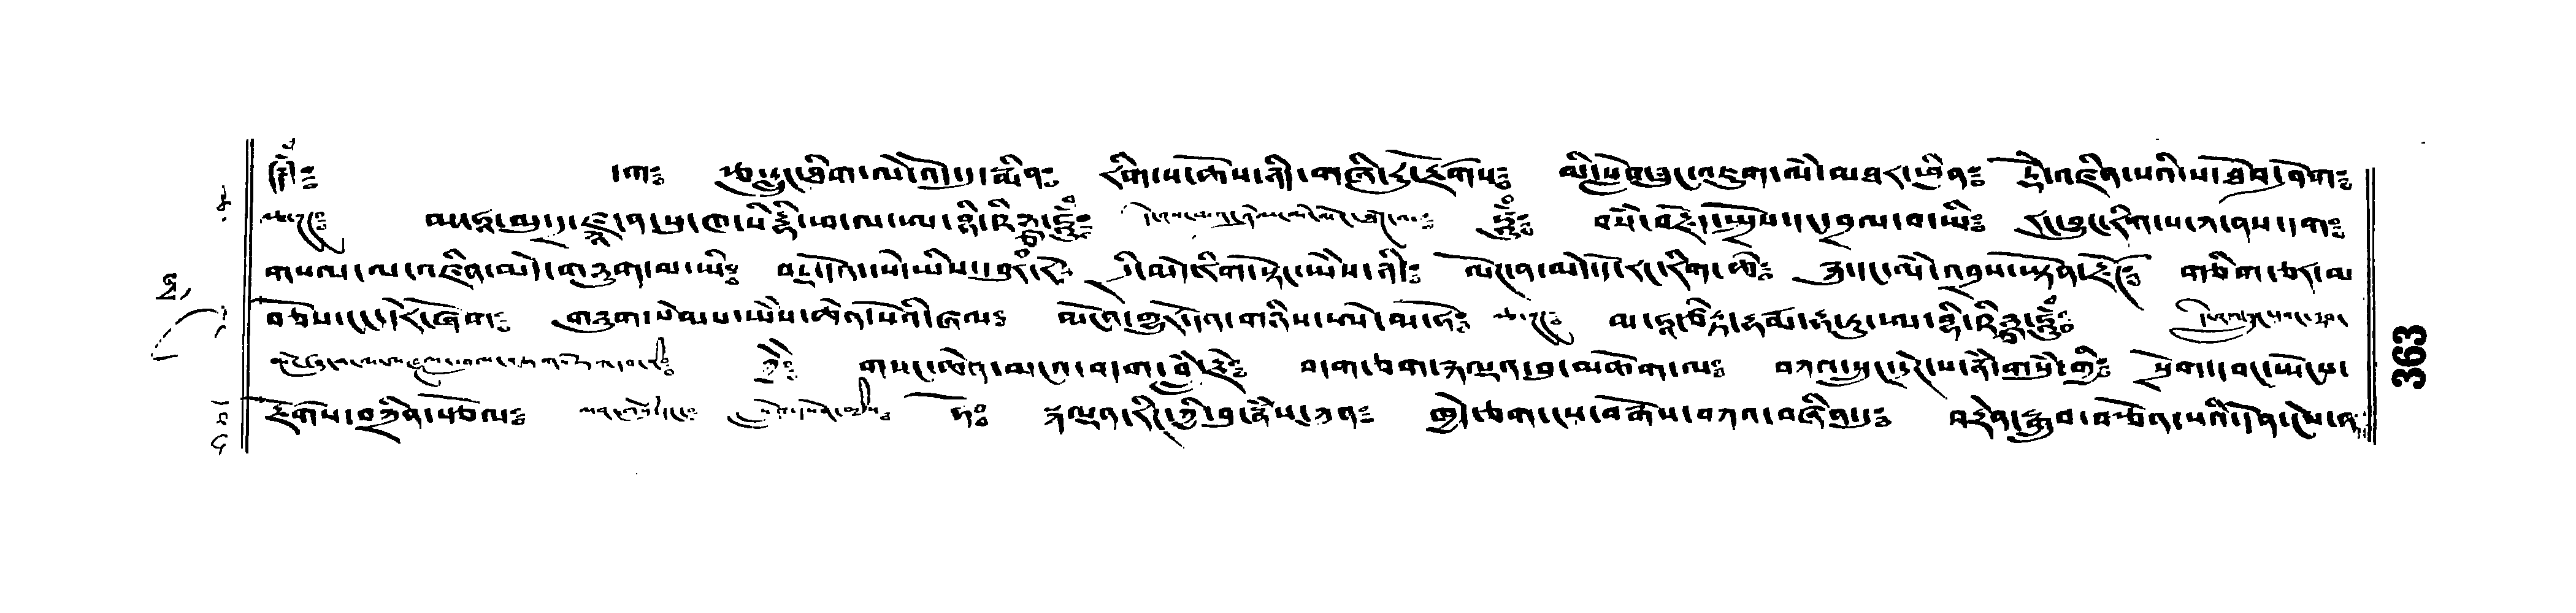དག༔ རྩ་རླུང་ཐིག་ལེ་འོད་དུ་སྨིན༔ རིག་པ་ཆོས་ཉིད་གཞི་རུ་རྫོགས༔ མི་སློབ་གཟུང་འཇུག་ལམ་མཐར་ཕྱིན༔ རྡོ་རྗེ་འཛིན་པའི་ས་ཐོབ་ཤོག༔ 
རྩ་སྔགས༔ མ་ཧཱ་མུ་དྲ་ཛྙཱ་ན་སུ་ཁ་སིདྡྷི་ཕ་ལ་ཨ་བྷི་རིཉྩ་ཧཱུྃ༔ དེ་ནས་མན་ཤེལ་མེ་ལོང་ཐོགས་ལ༔ ཧཱུྃ༔ བསམ་བརྗོད་སྤྲོས་དང་བྲལ་བ་ཡི༔ རང་བྱུང་རིག་པ་ཀ་ནས་དག༔ 
གསལ་ལ་འཛིན་མེད་གཉུག་མ་ཡི༔ བརྡ་དོན་དཔེ་ཡིས་དབང་བསྐུར་རོ༔ དྲི་མེད་རིག་སྟོང་ཡེ་ཤེས་ཉིད༔ ལོགས་ན་མེད་དོ་རང་རིག་ཆེ༔ སྐུ་དང་ལམ་འབྲས་ཡོན་ཏན་རྫོགས༔ གཅིག་ཅར་མ་
བཅོས་ངང་དེར་ཞོག༔ གཉུག་སེམས་ཡེ་ཤེས་ཆེན་པོའི་ཞལ༔ མངོན་གྱུར་དོན་གཉིས་ཨེ་མ་ཧོ༔ རྩ་སྔགས༔ མ་ཧཱ་ཙིཏྟ་དྷརྨ་དྷ་ཏུ་ཨ་བྷི་རིཉྩ་ཧཱུྃ༔ དེ་ནས་སྲོག་དབང་ཟབ་
མོ་ཞུ་བ་ལ་མཎྜལ་ཕུལ་བས་གསོལ་གདབ་ནི༔ ཀྱཻ༔ གསང་ཆེན་མངའ་བདག་བླ་མ་རྗེ༔ བདག་ཅག་སྐལ་ལྡན་བུ་མཆོག་ལ༔ བཀའ་སྲུང་དྲེགས་པ་རྣམ་གསུམ་གྱི༔ སྲོག་དབང་ཡོངས་
རྫོགས་བཀའ་དྲིན་སྩོལ༔ ལན་གསུམ་དང༔ སློབ་དཔོན་གྱིས༔ ཧོཿ སྐལ་ལྡན་རིགས་ཀྱི་བུ་རྣམས་ཀུན༔ ཁྱེད་ཅག་ངས་བསྒོས་བཀའ་བཞིན་དུ༔ བརྟེན་སྒྲུབ་བརྩོན་པའི་དོན་ངེས་ན༔